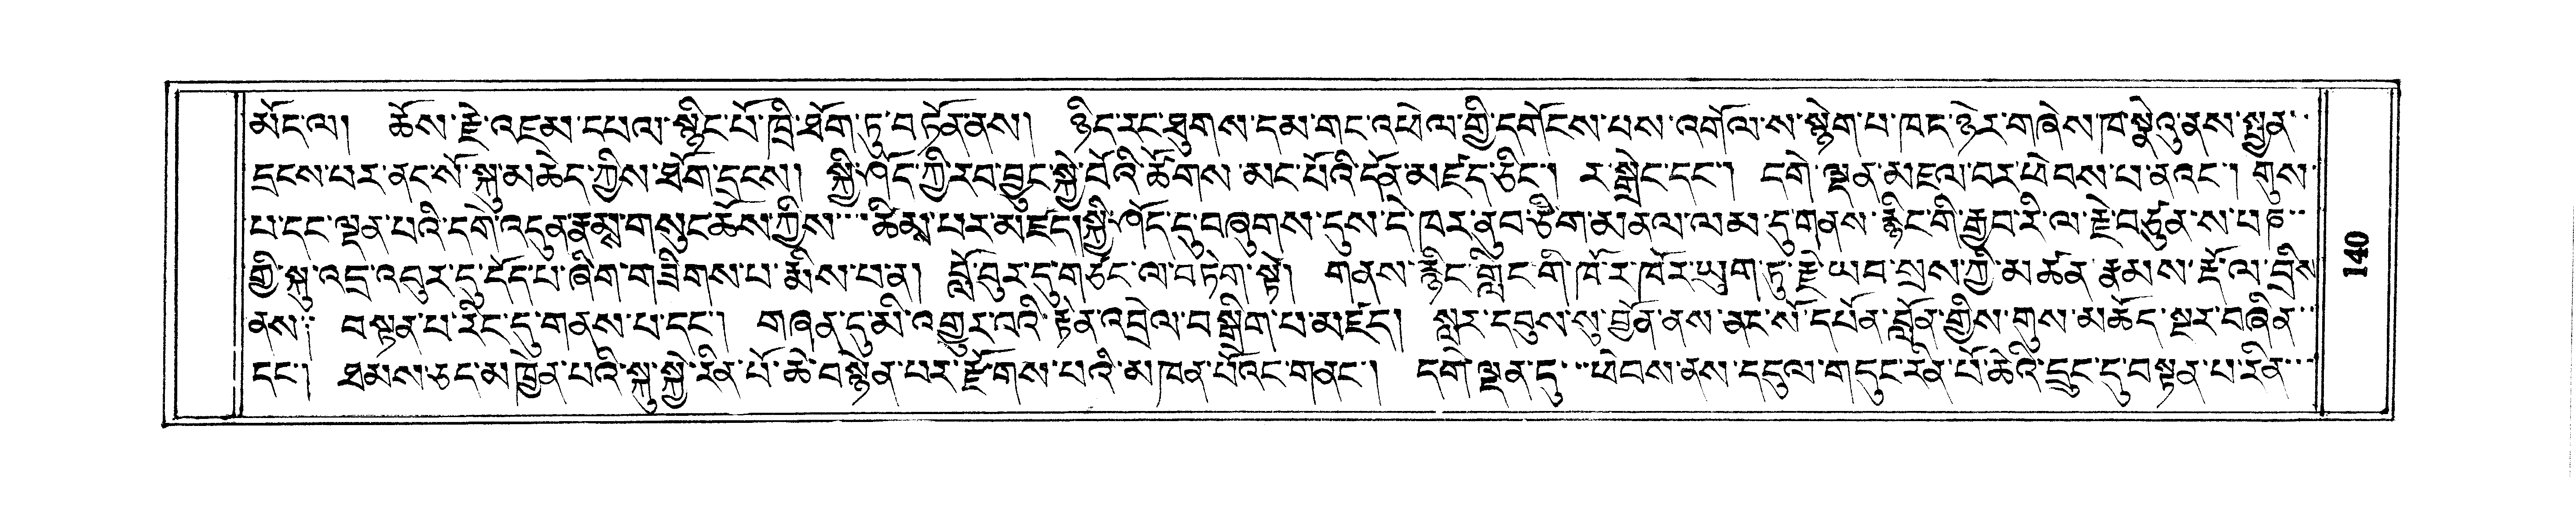མོད་ལ། ཆོས་རྗེ་འཇམ་དཔལ་སྙིང་པོ་ཁྲི་ཐོག་ཏུ་བཏོན་ནས། ཉིད་རང་ཐུགས་དམ་གང་འཕེལ་གྱི་དགོངས་པས་འགོལ་ས་སྙེག་པ་ཁད་ཉེར་གཞེས་ཁ་སྣེའུ་ནས་སྤྱན་
དྲངས་པར་ནང་སོ་སྐུ་མཆེད་ཀྱིས་ཐོག་དྲངས། སྐྱི་ཤོད་ཀྱི་རབ་བྱུང་སྐྱེ་བོའི་ཚོགས་མང་པོའི་དོན་མཛད་ཅིང་། ར་སྒྲེང་དང་། དགེ་ལྡན་མཇལ་བར་ཕེབས་པ་ནའང་། གུས་
པ་དང་ལྡན་པའི་དགེ་འདུན་རྣམས་གསུང་ཆོས་ཀྱི་ཚིམས་པར་མཛད། སྐྱི་ཤོད་དུ་བཞུགས་དུས་དེ་ཁར་ནུབ་ཅིག་མནལ་ལམ་དུ་གནས་རྙིང་གི་རྒྱབ་རི་ལ་རྗེ་བཙུན་ས་པཎ་
གྱི་སྐུ་འདྲ་འབུར་དུ་དོད་པ་ཞིག་གཟིགས་པ་རྨིས་པ་ན། བློ་བུར་དུ་གཙང་ལ་བཏེག་སྟེ། གནས་རྙིང་གླིང་གི་ཁོ་ར་ཁོར་ཡུག་ཏུ་རྗེ་ཡབ་སྲས་ཀྱི་མཚན་རྣམས་རྡོ་ལ་བྲིས་
ནས༑ བསྟན་པ་རིང་དུ་གནས་པ་དང་། གཞན་དུ་མི་འགྱུར་བའི་རྟེན་འབྲེལ་བསྒྲིག་པ་མཛད། སླར་དབུས་སུ་བྱོན་ནས་ནང་སོ་དཔོན་བློན་གྱིས་གུས་མཆོད་སྔར་བཞིན་
དང་། ཐམས་ཅད་མཁྱེན་པའི་སྐུ་སྐྱེ་རིན་པོ་ཆེ་བསྙེན་པར་རྫོགས་པའི་མཁན་པོའང་གནང་། དགེ་ལྡན་དུ་ཕེབས་ནས་དངུལ་གདུང་རིན་པོ་ཆེའི་དྲུང་དུ་བསྟན་པ་རི་